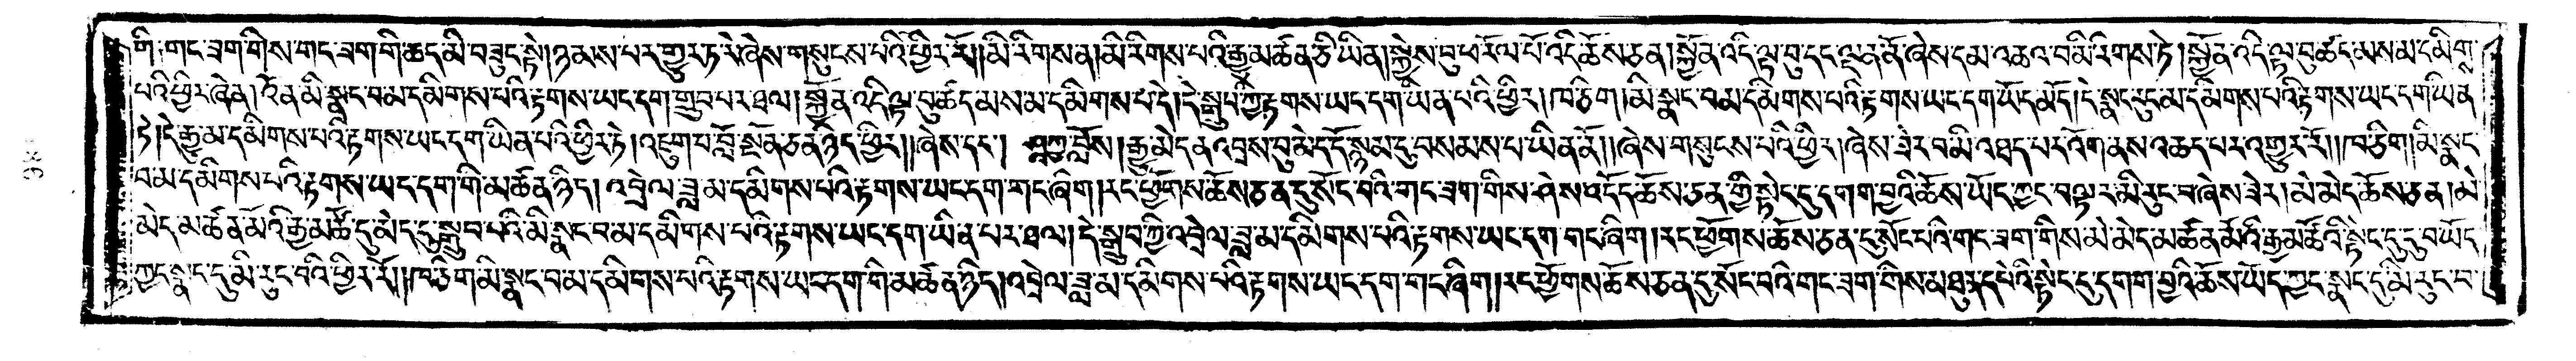གི༑ གང་ཟག་གིས་གང་ཟག་གི་ཚོད་མི་བཟུང་སྟེ། ཉམས་པར་གྱུར་ཏེ་རེ་ཞེས་གསུངས་པའི་ཕྱིར་རོ། །མི་རིགས་ན། མི་རིགས་པའི་རྒྱུ་མཚན་ཅི་ཡིན། སྐྱེས་བུ་ཕ་རོལ་པོ་འདི་ཆོས་ཅན། སྐྱོན་འདི་ལྟ་བུ་དང་ལྡན་ནོ་ཞེས་དམ་འཆའ་བ་མི་རིགས་ཏེ། སྐྱོན་འདི་ལྟ་བུ་ཆད་མས་མ་དམིགས་
པའི་ཕྱིར་ཞེ་ན། འོ་ན་མི་སྣང་བ་མ་དམིགས་པའི་རྟགས་ཡང་དག་གྲུབ་པར་ཐལ། སྐྱོན་འདི་ལྟ་བུ་ཚད་མས་མ་དམིགས་པ་དེ། དེ་སྒྲུབ་ཀྱི་རྟགས་ཡང་དག་ཡིན་པའི་ཕྱིར། ཁ་ཅིག། མི་སྣང་བ་མ་དམིགས་པའི་རྟགས་ཡང་དག་ཡོད་མོད། དེ་སྣང་རུང་མ་དམིགས་པའི་རྟགས་ཡང་དག་ཡིན་
ཏེ། དེ་རྒྱུ་མ་དམིགས་པའི་རྟགས་ཡང་དག་ཡིན་པའི་ཕྱིར་ཏེ། འཇུག་པ་བློ་སྔོན་ཅན་ཉིད་ཕྱིར། །ཞེས་དང་། ཤཱཀྱ་བློས། རྒྱུ་མེད་ན་འབྲས་བུ་མེད་དོ་སྙམ་དུ་བསམས་པ་ཡིན་ནོ། །ཞེས་གསུངས་པའི་ཕྱིར། ཞེས་ཟེར་བ་མི་འཐད་པར་འོག་ནས་འཆད་པར་འགྱུར་རོ། །ཁ་ཅིག། མི་སྣང་
བ་མ་དམིགས་པའི་རྟགས་ཡང་དག་གི་མཚན་ཉིད། འབྲེལ་ཟླ་མ་དམིགས་པའི་རྟགས་ཡང་དག་གང་ཞིག །རང་ཕྱོགས་ཆོས་ཅན་དུ་སོང་བའི་གང་ཟག་གིས་ཤེས་འདོད་ཆོས་ཅན་གྱི་སྟེང་དུ་དགག་བྱའི་ཆོས་ཡོད་ཀྱང་བལྟར་མི་རུང་བ་ཞེས་ཟེར། མེ་མེད་ཆོས་ཅན། མེ་
མེད་མཚན་མོའི་རྒྱ་མཚོ་དུ་མེད་དུ་སྒྲུབ་པའི་མི་སྣང་བ་མ་དམིགས་པའི་རྟགས་ཡང་དག་ཡིན་པར་ཐལ། དེ་སྒྲུབ་ཀྱི་འབྲེལ་ཟླ་མ་དམིགས་པའི་རྟགས་ཡང་དག་གང་ཞིག །རང་ཕྱོགས་ཆོས་ཅན་དུ་སོང་བའི་གང་ཟག་གིས་མེ་མེད་མཚན་མོའི་རྒྱ་མཚོའི་སྟེང་དུ་དུ་བ་ཡོད་
ཀྱང་སྣང་དུ་མི་རུང་བའི་ཕྱིར་རོ། །ཁ་ཅིག་མི་སྣང་བ་མ་དམིགས་པའི་རྟགས་ཡང་དག་གི་མཚན་ཉིད། འབྲེལ་ཟླ་མ་དམིགས་པའི་རྟགས་ཡང་དག་གང་ཞིག །རང་ཕྱོགས་ཆོས་ཅན་དུ་སོང་བའི་གང་ཟག་གིས་མཐུན་དཔེའི་སྟེང་དུ་དགག་བྱའི་ཆོས་ཡོད་ཀྱང་སྣང་དུ་མི་རུང་བ་